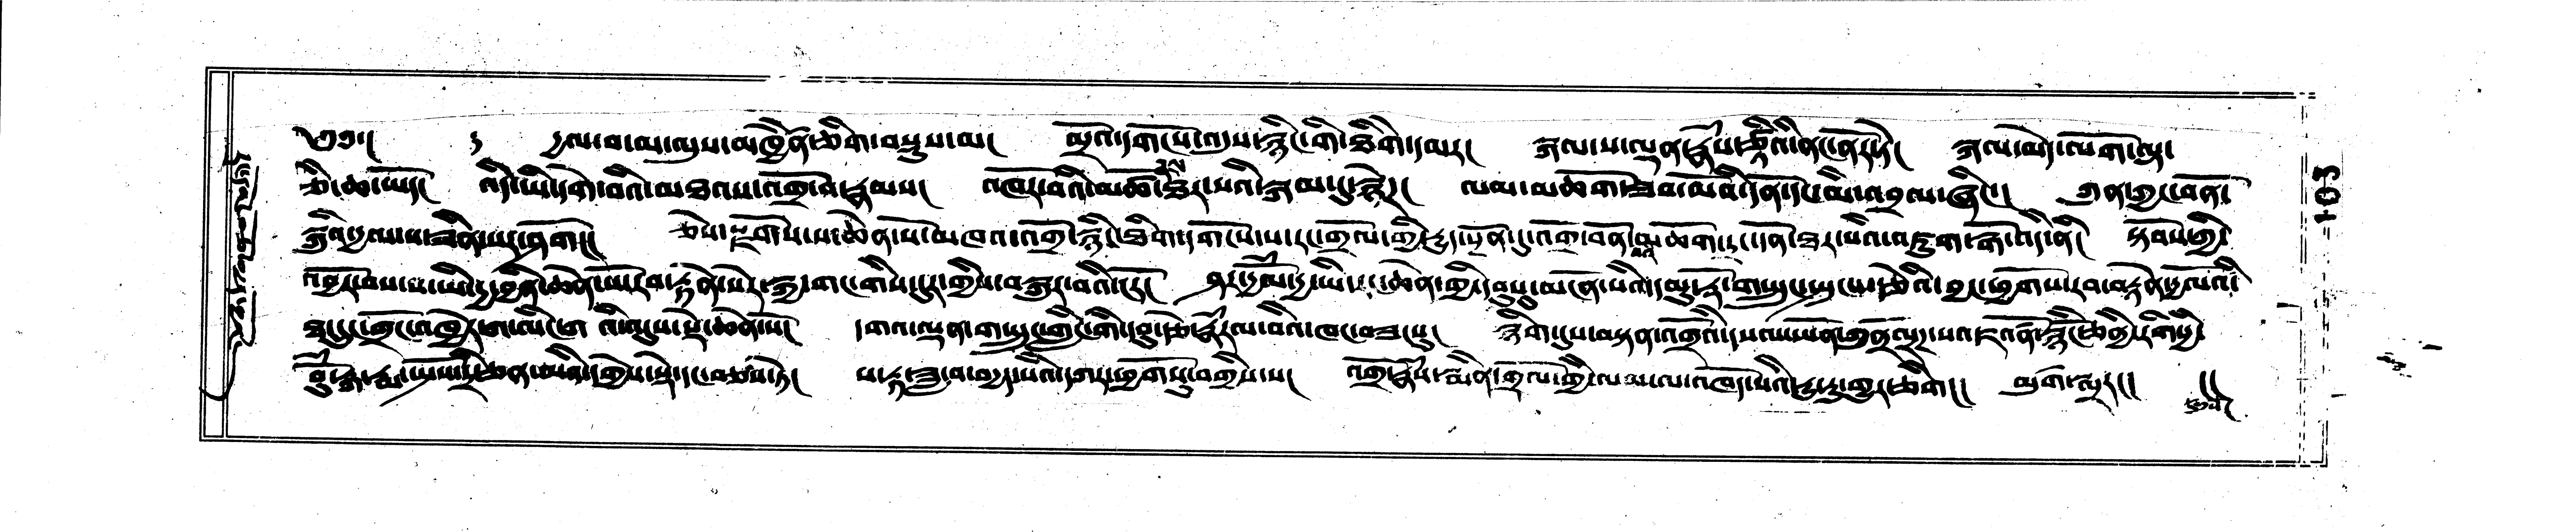རྒྱལ་བ་མ་ལུས་མཁྱེན་བརྩེ་གཅིག་བསྡུས་མ། །མཁའ་འགྲོ་དགོངས་འདུས་སྙིང་གི་ཐིག་ལེ་དམར། །སྐལ་པ་ལྡན་རྣམས་ཙིརྟའི་ནང་ནོར་ཏེ། །སྐལ་མེད་ལོག་ལྟ་
༼ཅན་ལ༽ཅི་ཆ་ཡོད། །འདི་ཡི་དགེ་བས་མཐའ་ཡས་འགྲོ་བ་རྣམས། །འཁོར་བའི་མཚོ་ནས་ཐར་པའི་སྐམ་དུ་བསྙེགས། །ལམ་མཆོག་ཟབ་མོའི་དོན་དང་མི་འབྲལ་ཞིང་། །ཀུན་ཀྱང་བོན་
སྐུའི་རྒྱལ་ས་ཟིན་པར་ཤོག །ཅེས་རྫོགས་པ་ཆེན་པོ་མཁའ་འགྲོ་སྙིང་ཐིག་དགོངས་པ་རང་གྲོལ་གྱི་རྒྱུད་སྔོན་དུ་འགྲོ་བའི་བོན་གྱི་མཆོག་དྲང་དོན་ཐར་པའི་འཇུག་སྒོ་འདི་ནི། སྟོབས་ཀྱི་
འབྱོར་བས་ས་ཡི་བརྒྱ་བྱིན་ཆེན་པོ་རབ་བརྟན་སེར་སྐྱ་གང་གིས་དུར་གྱིས་བསྐུར་བའི་ངོར། ཤར་རྒྱལ་མོ་རྒྱ་ཡི་རོང་ཆེན་གྱི་དབུས་སུ་མངོན་པའི་དམུ་རྡོ་གཡུང་དྲུང་སྤུངས་རྩེའི་བྱང་ཕྱོགས་རབ་བརྟན་རྒྱལ་པོའི་
ཐ་གྲུ་གྲོང་ཁྱེར་ཀ་ལིང་ཀའི་འདུས་སྡེ་ཆེན་པོ། དགའ་ལྡན་གཡུང་དྲུང་གླིང་གི་དབུ་རྩེ་རྣམ་པར་རྒྱལ་བའི་ཁང་བཟང་དུ། སྙིགས་དུས་བསྟན་འགྲོའི་དཔལ་མགོན་ཀུན་གྲོལ་གྲགས་པ་འཇའ་ཚོན་སྙིང་པོ་ཅན་གྱི་རིགས་ཀྱི་
བུ་མོ་རྐ་རྨ་སྤོས་དྲི་ཅན་མའི་རིགས་ཀྱི་དགྱེས་སྡེ་དང་བཅས་ཏེ། ས་རྟ་ཟླ་བ་བརྒྱད་པའི་དཀར་ཕྱོགས་སུ་བགྱིས་པ། འགྲོ་རྣམས་སྨིན་གྲོལ་གྱི་ལམ་ལ་འཁོད་པའི་རྒྱུ་རུ་གྱུར་ཅིག། །།མུ་ཙུག་སྨར། །